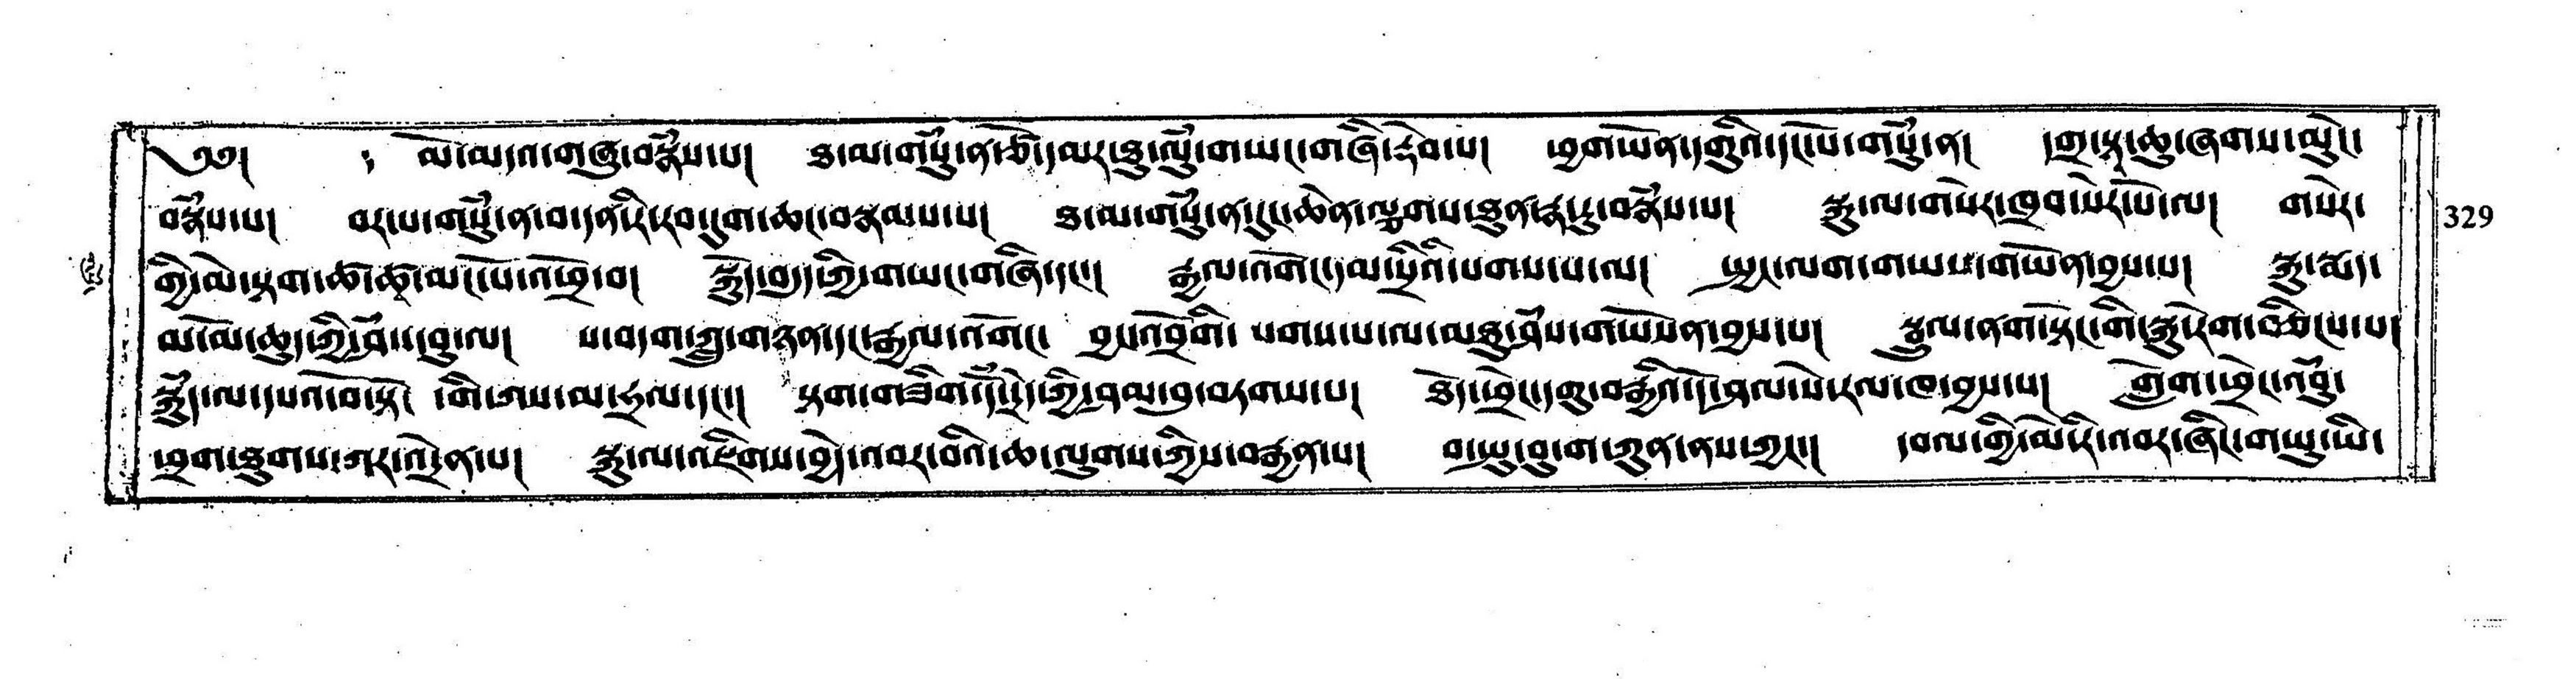མོ་མདའ་གཞུ་བསྣམས་པ། ཐ་མ་གསུམ་ན་ཙོ་དམར་ཐུ་ལུམ་གཡང་གཞི་རྡེབ་པ། ཕྱག་གཡོན་དགུའི་དང་པོ་གསུམ་ན། དགྲ་སྟྭ་ཆུ་ཞགས་མེ་དཔུང་
བསྣམས་པ། བར་པ་གསུམ་ན་བ་དན་རི་རབ་དུག་ཆང་བསྣམས་པ། ཐ་མ་གསུམ་ན་དུང་ཆེན་ལྕགས་ཐུན་རྣ་རུ་བསྣམས་པ། སྐུ་ལ་གསེར་ཁྲབ་སེར་པོ་ལ། གསེར་
གྱི་མེ་སྟག་ཚ་ཚྭ་མང་པོ་འཕྲོ་བ། སྐུ་བསྟོད་བདུད་ཀྱི་གཡང་གཞི་དང་། རྒྱལ་འགོང་དམ་སྲིའི་སྤགས་པ་ལ། སྤྱང་ལག་གཡས་གཡོན་བྱས་པ། སྐུ་སྨད་
མ་མོ་ཆུད་ཀྱི་ཤམས་བུ་ལ། ས་བདག་ཀླུ་གཉན་དང་རྒྱལ་འགོང་བྱང་འབྲོག་གི་སྤགས་པ་ལ་མཐུ་ཤམས་གཡས་གཡོན་བྱས་པ། སྦྲུལ་ནག་སྟོང་གི་སྐུ་རེག་བཅིངས་པ། 
སྐུ་བསྟོད་ལ་དཔའ་བོ་སྟོང་གི་ཀས་མ་ཧྲལ་དང་། སྟག་གཟིག་དོམ་དྲེད་ཀྱི་ཤམ་བུ་བཏགས་པ། ཐོད་ཕྲེང་དགུ་བརྒྱའི་དོ་ཤལ་སེ་རལ་ཁ་བྱས་པ། གློག་ཕྲེང་འབུམ་
ཕྲག་ཐུགས་ཀར་འདྲེན་པ། སྐུ་ལ་འཇིགས་བྱེད་འབར་བའི་ཆ་ལུགས་ཀྱིས་བརྒྱན་པ། བ་སྤུ་བུ་ག་ཀུན་ནས་ཀྱང་། དབལ་གྱི་མེ་རི་འབར་ཞིང་གཡུ་ཡི་